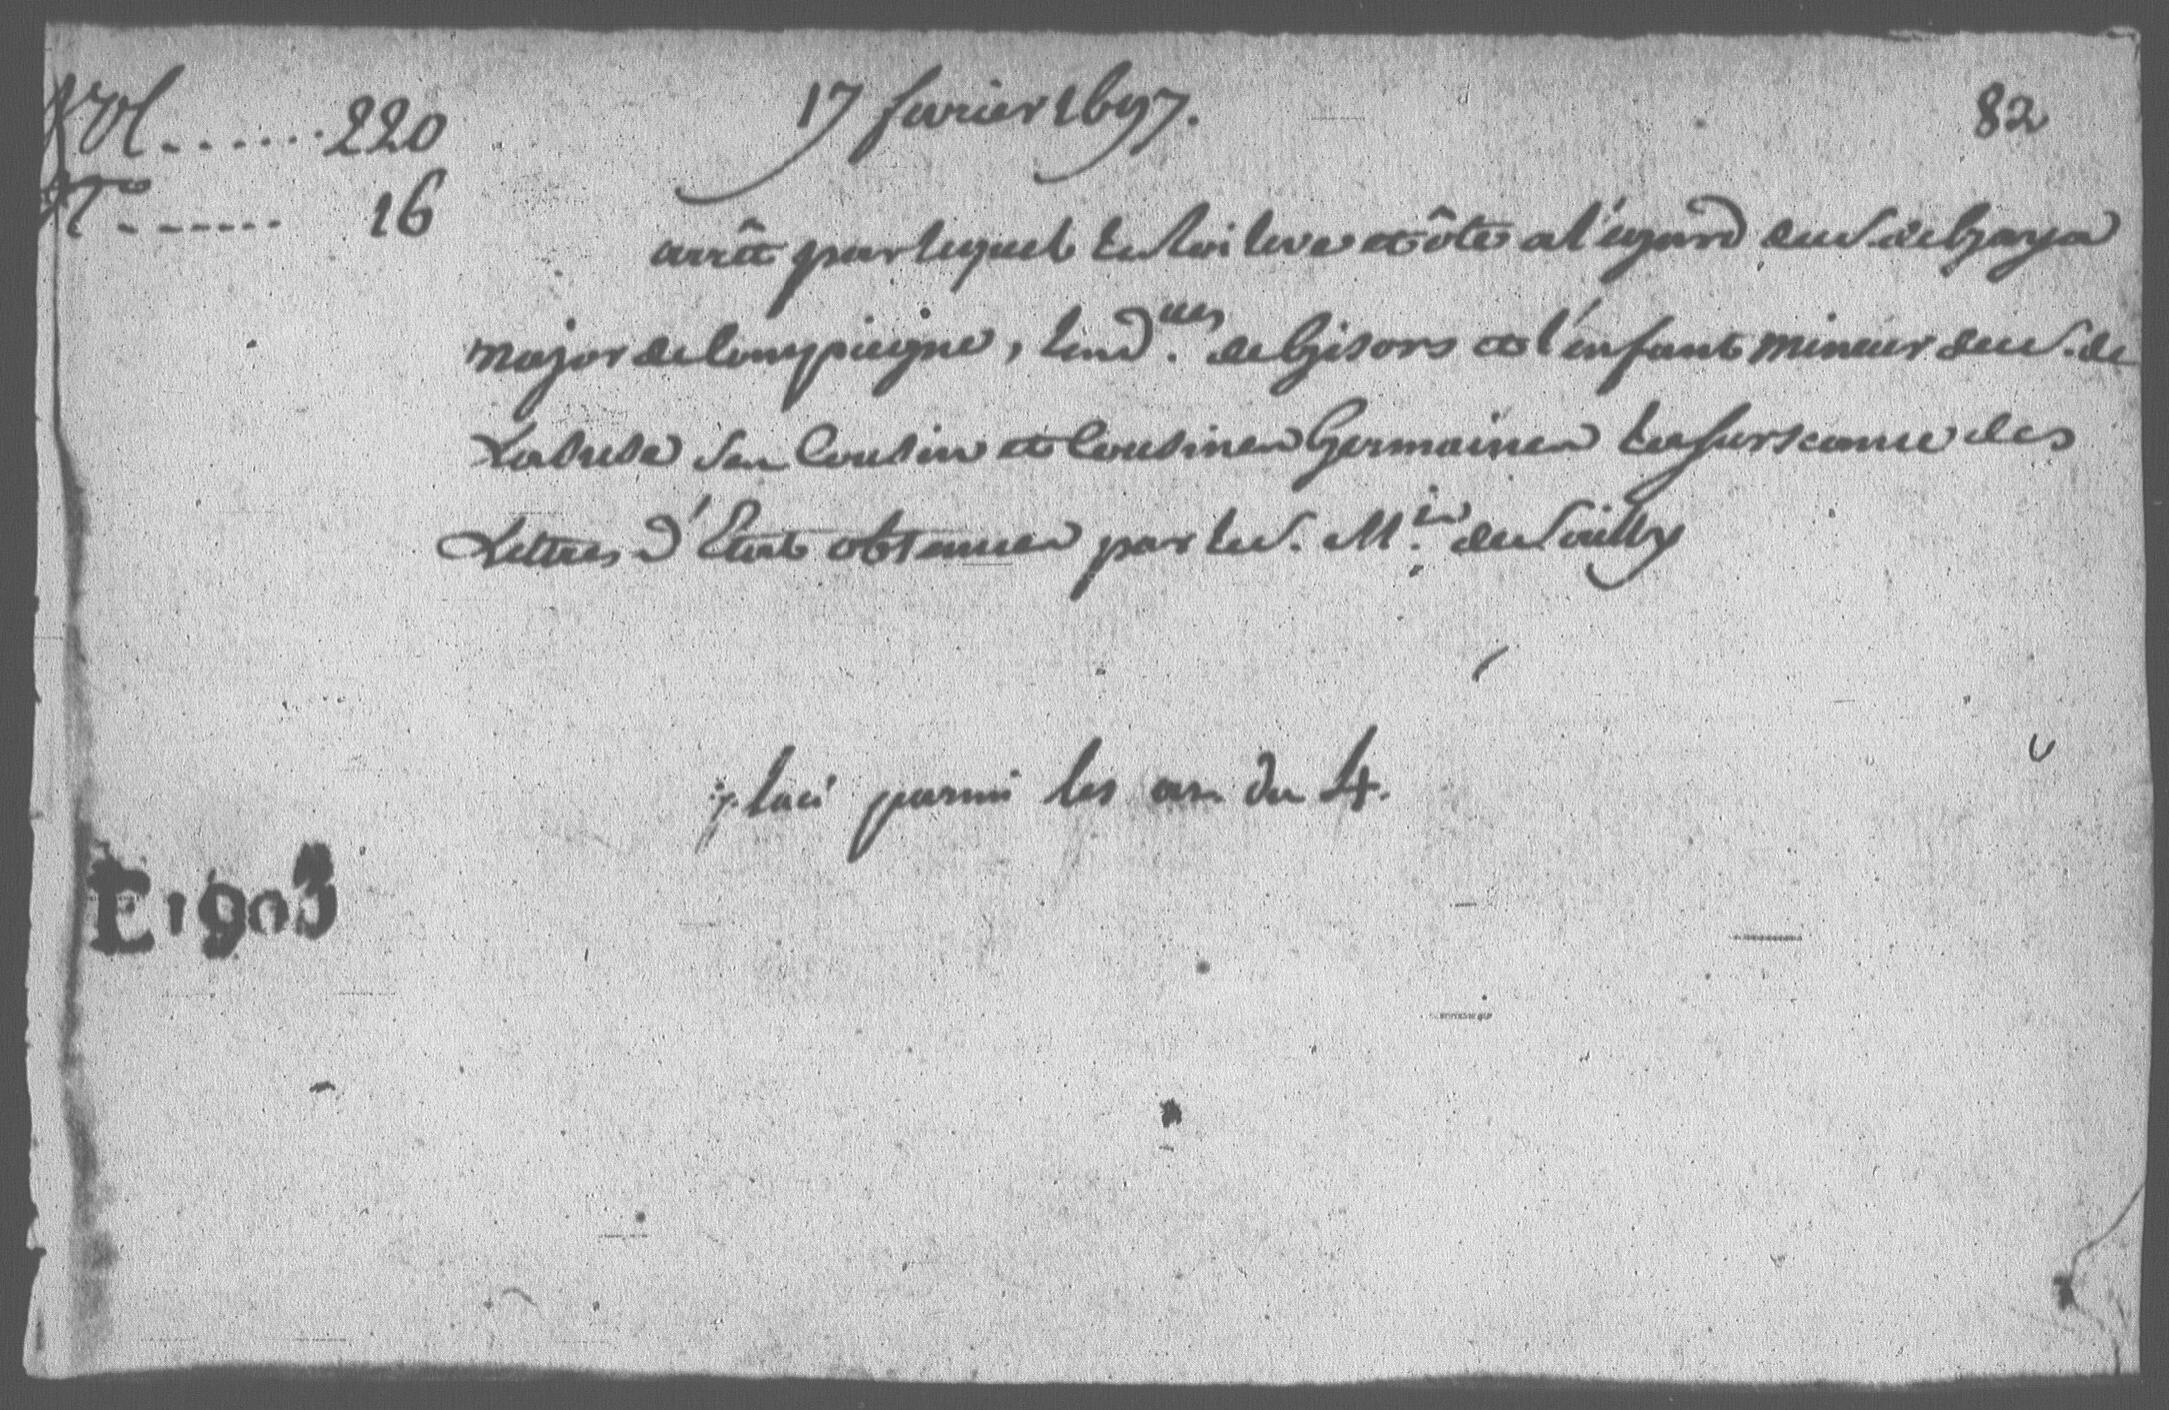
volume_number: n°16
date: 17 février 1697
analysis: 82
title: arrêt par lequel le Roi leve et ôte a l'egard du S. de Gays, major de Compiegne, les d.lles de Gisors et l'enfant mineur du S. de Lasuse ses cousin et cousines germaines la surseance des Lettres d'Etat obtenues par le S. M.is de Sailly
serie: E
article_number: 1903
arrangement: Vol. 220 placé parmi les arr du 4
